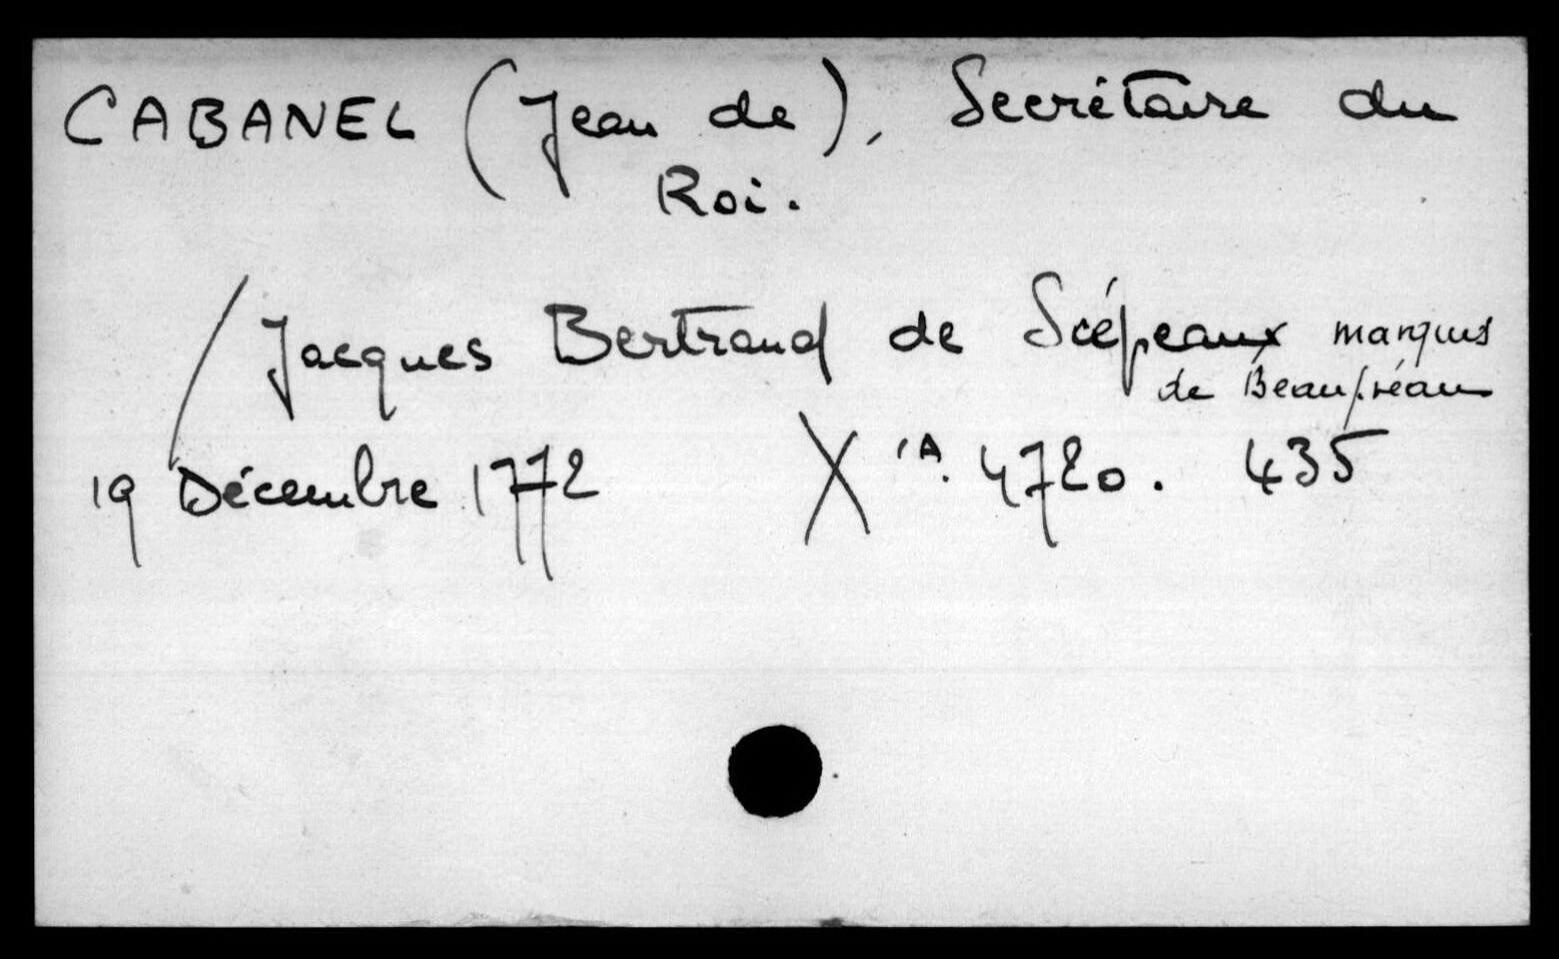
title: CABANEL (Jean de), Secrétaire du Roi
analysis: Contre Jacques Bertrand de Scépeaux, marquis de Beaupréau
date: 19 décembre 1772
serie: X1A
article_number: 4720
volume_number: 435
